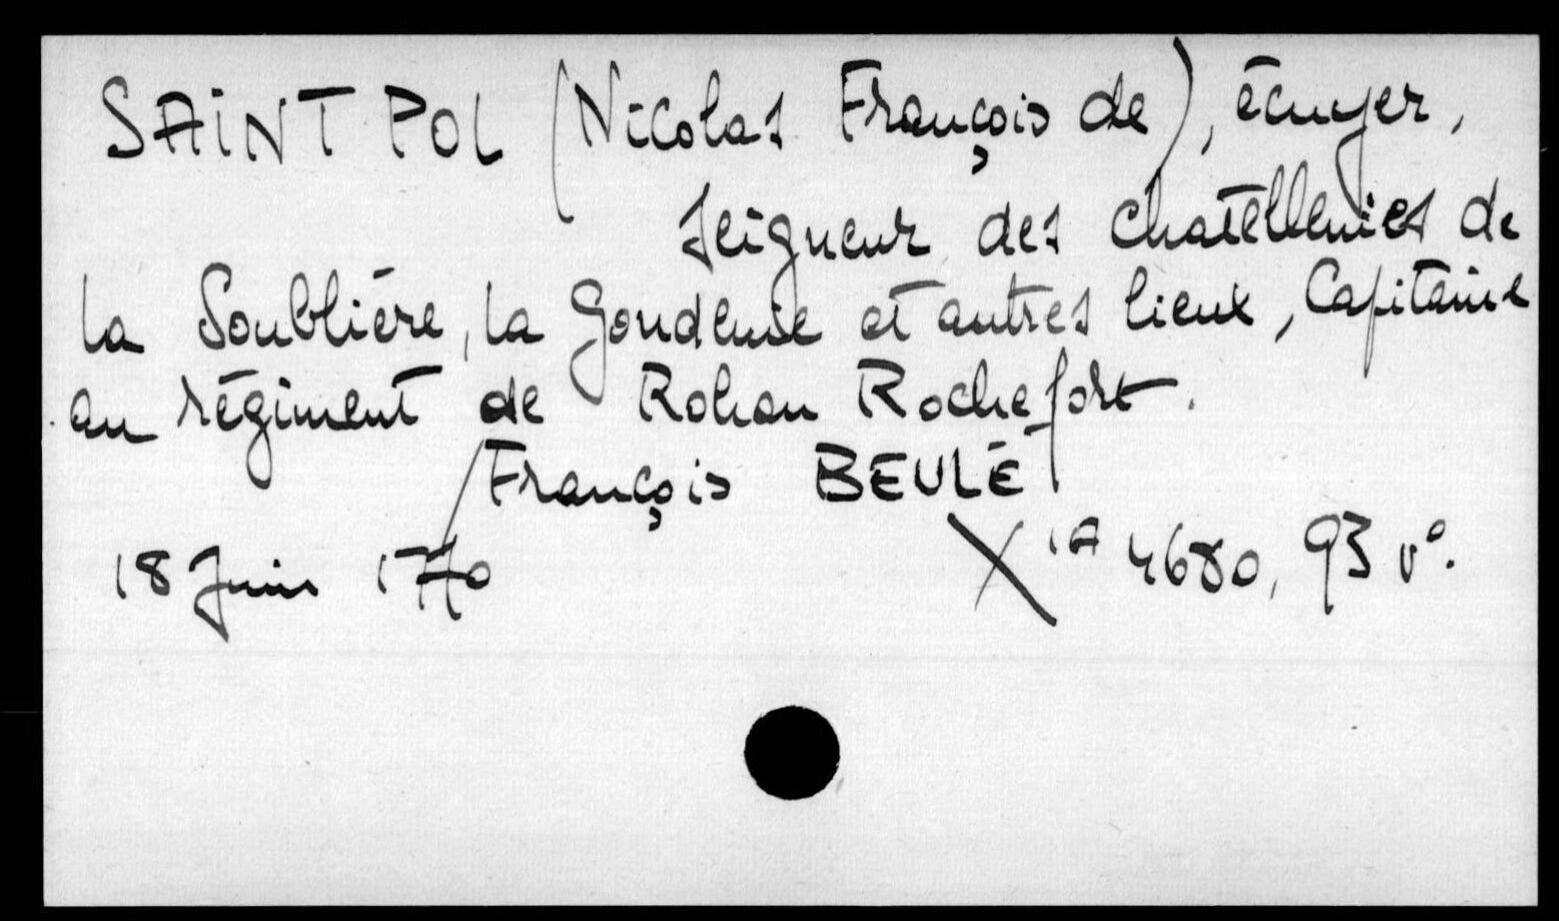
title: SAINT POL (Nicolas François de), écuyer, seigneur des Chatellenies de La Soublière, la Goudeuse et autres lieux, capitaine au régiment de Rohan Rochefort.
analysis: Contre François BEULÉ
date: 18 juin 1770
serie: X1A
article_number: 4680
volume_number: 93v
